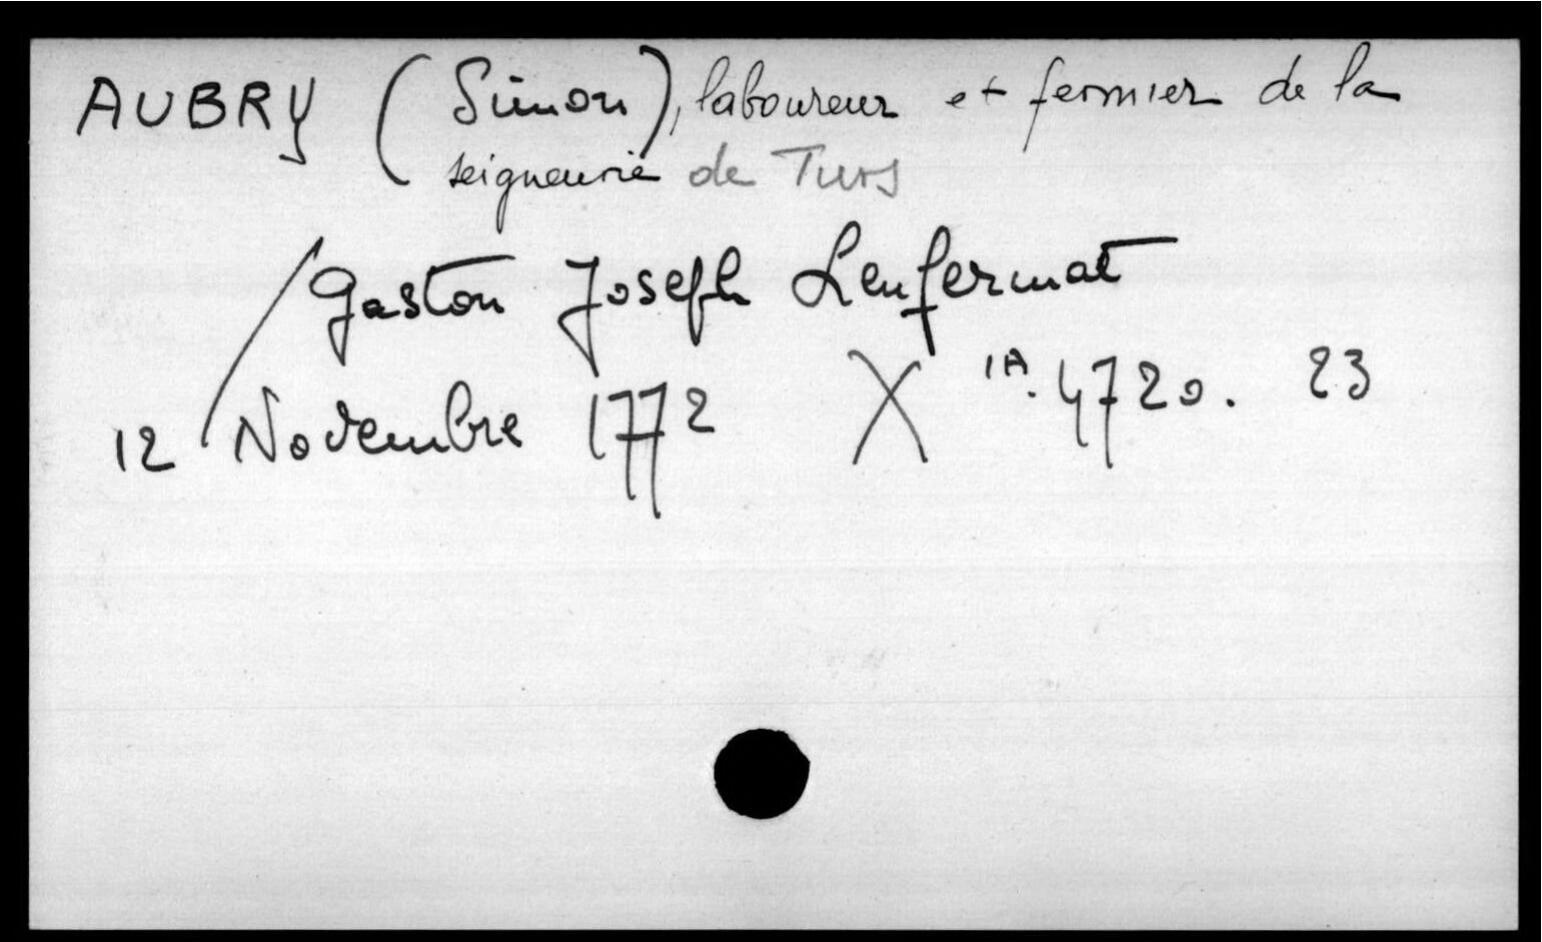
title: AUBRY (Simon), laboureur et fermier de la seigneurie de Turs
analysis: Contre Gaston Joseph Leufermat
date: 12 novembre 1772
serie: X1A
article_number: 4720
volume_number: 23
